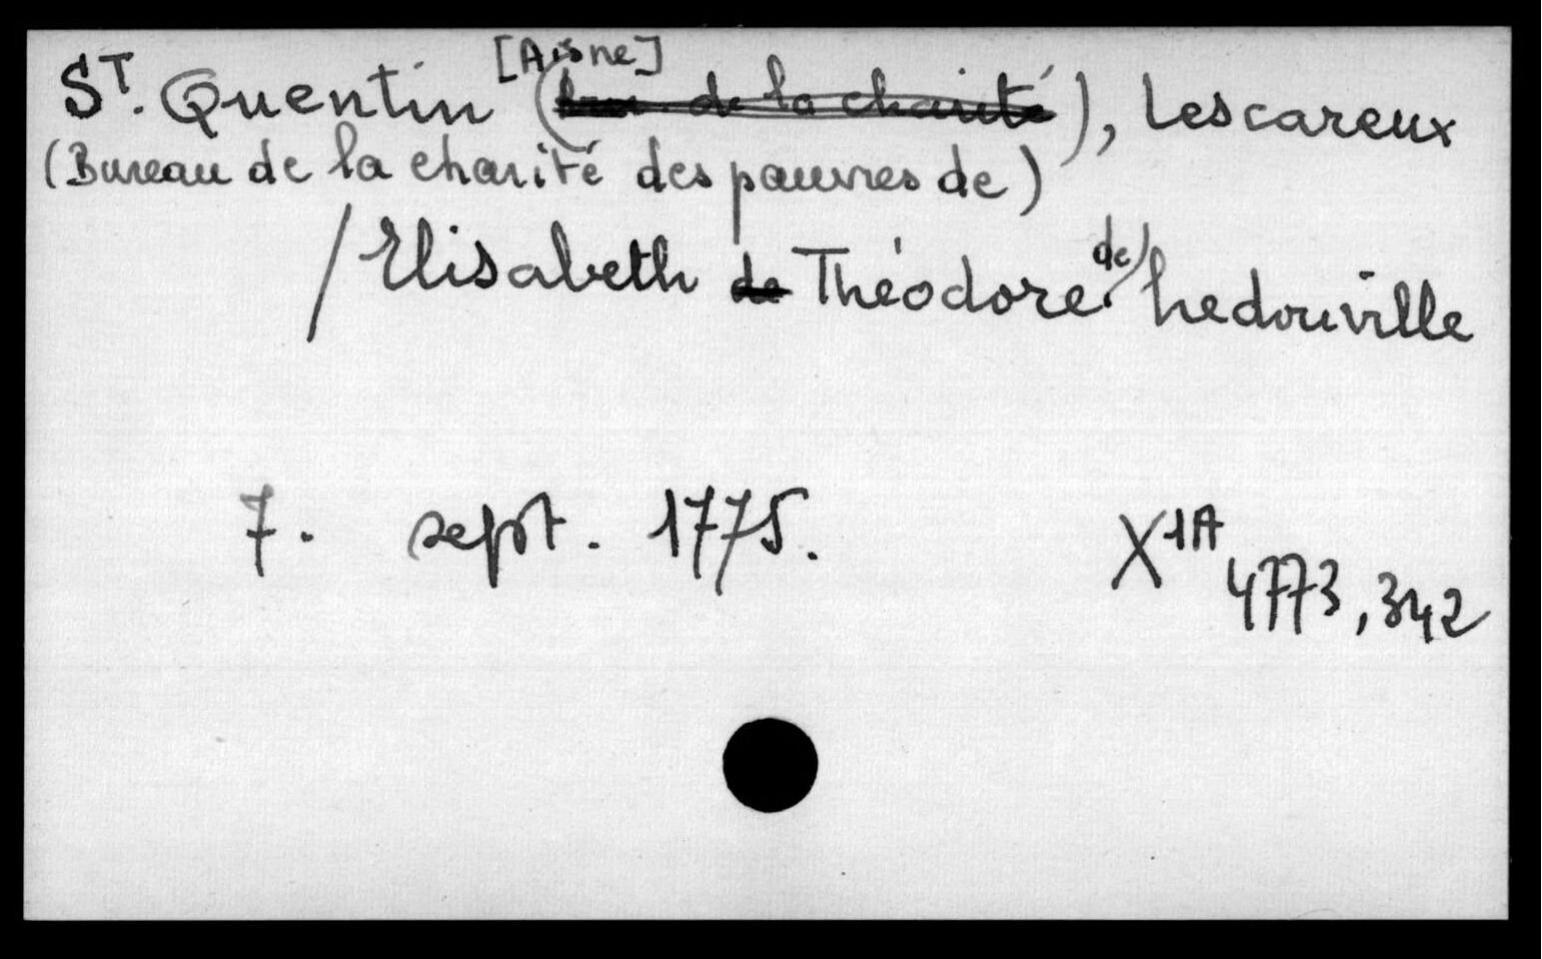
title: Saint-Quentin [Aisne], Lescareux (Bureau de la charité des pauvres de)
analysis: Contre Élisabeth de Théodore de Hedouville
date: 7 septembre 1775
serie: X1A
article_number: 4773
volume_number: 342
